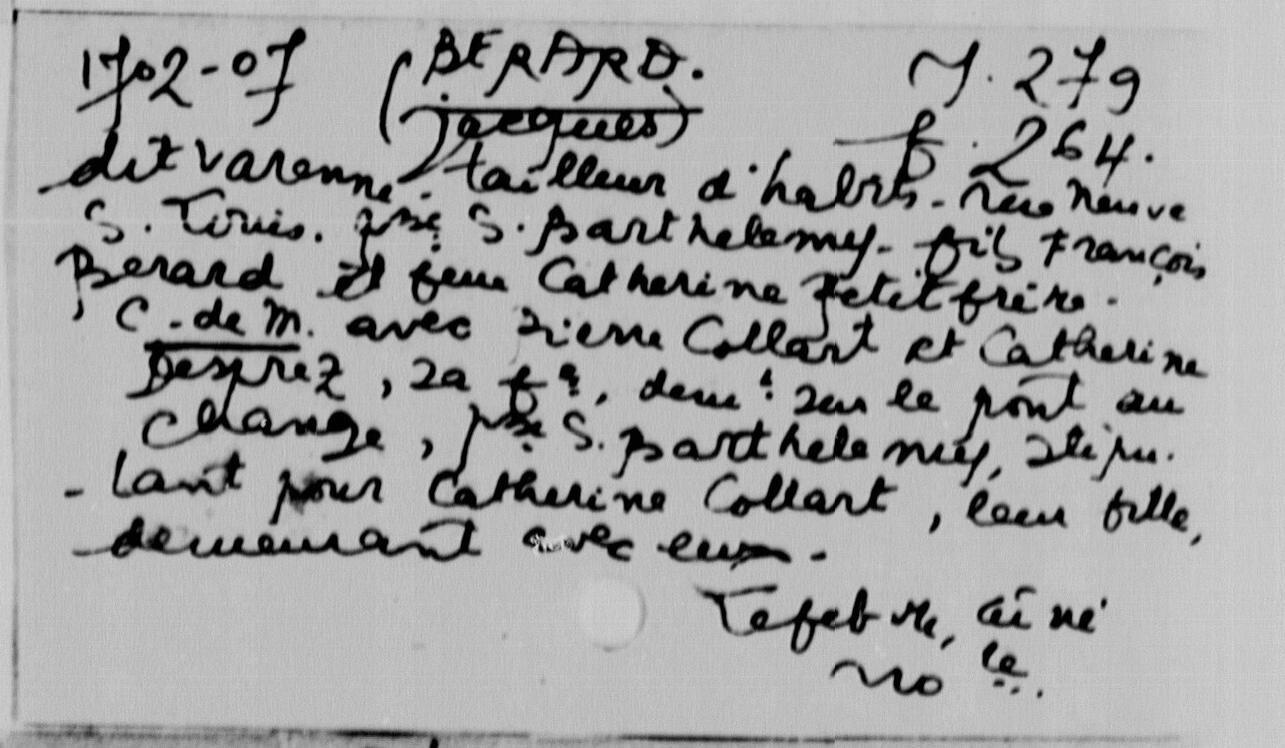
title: BÉRARD (Jacques)
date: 1702-1707
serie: Y
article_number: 279
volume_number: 264
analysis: dit Varenne, tailleur d'habits- rue Neuve, Saint-Louis, paroisse Saint-Barthélemy, fils François Bérard. Contrat de mariage avec Pierre Collart et Catherine Desprez, sa femme, demeurant sur le pont au Change, paroisse Saint-Barthélemy, stipulant pour Catherine Collart, leur fille, demeurant avec eux. Lefebvre, aîné, notaire.
